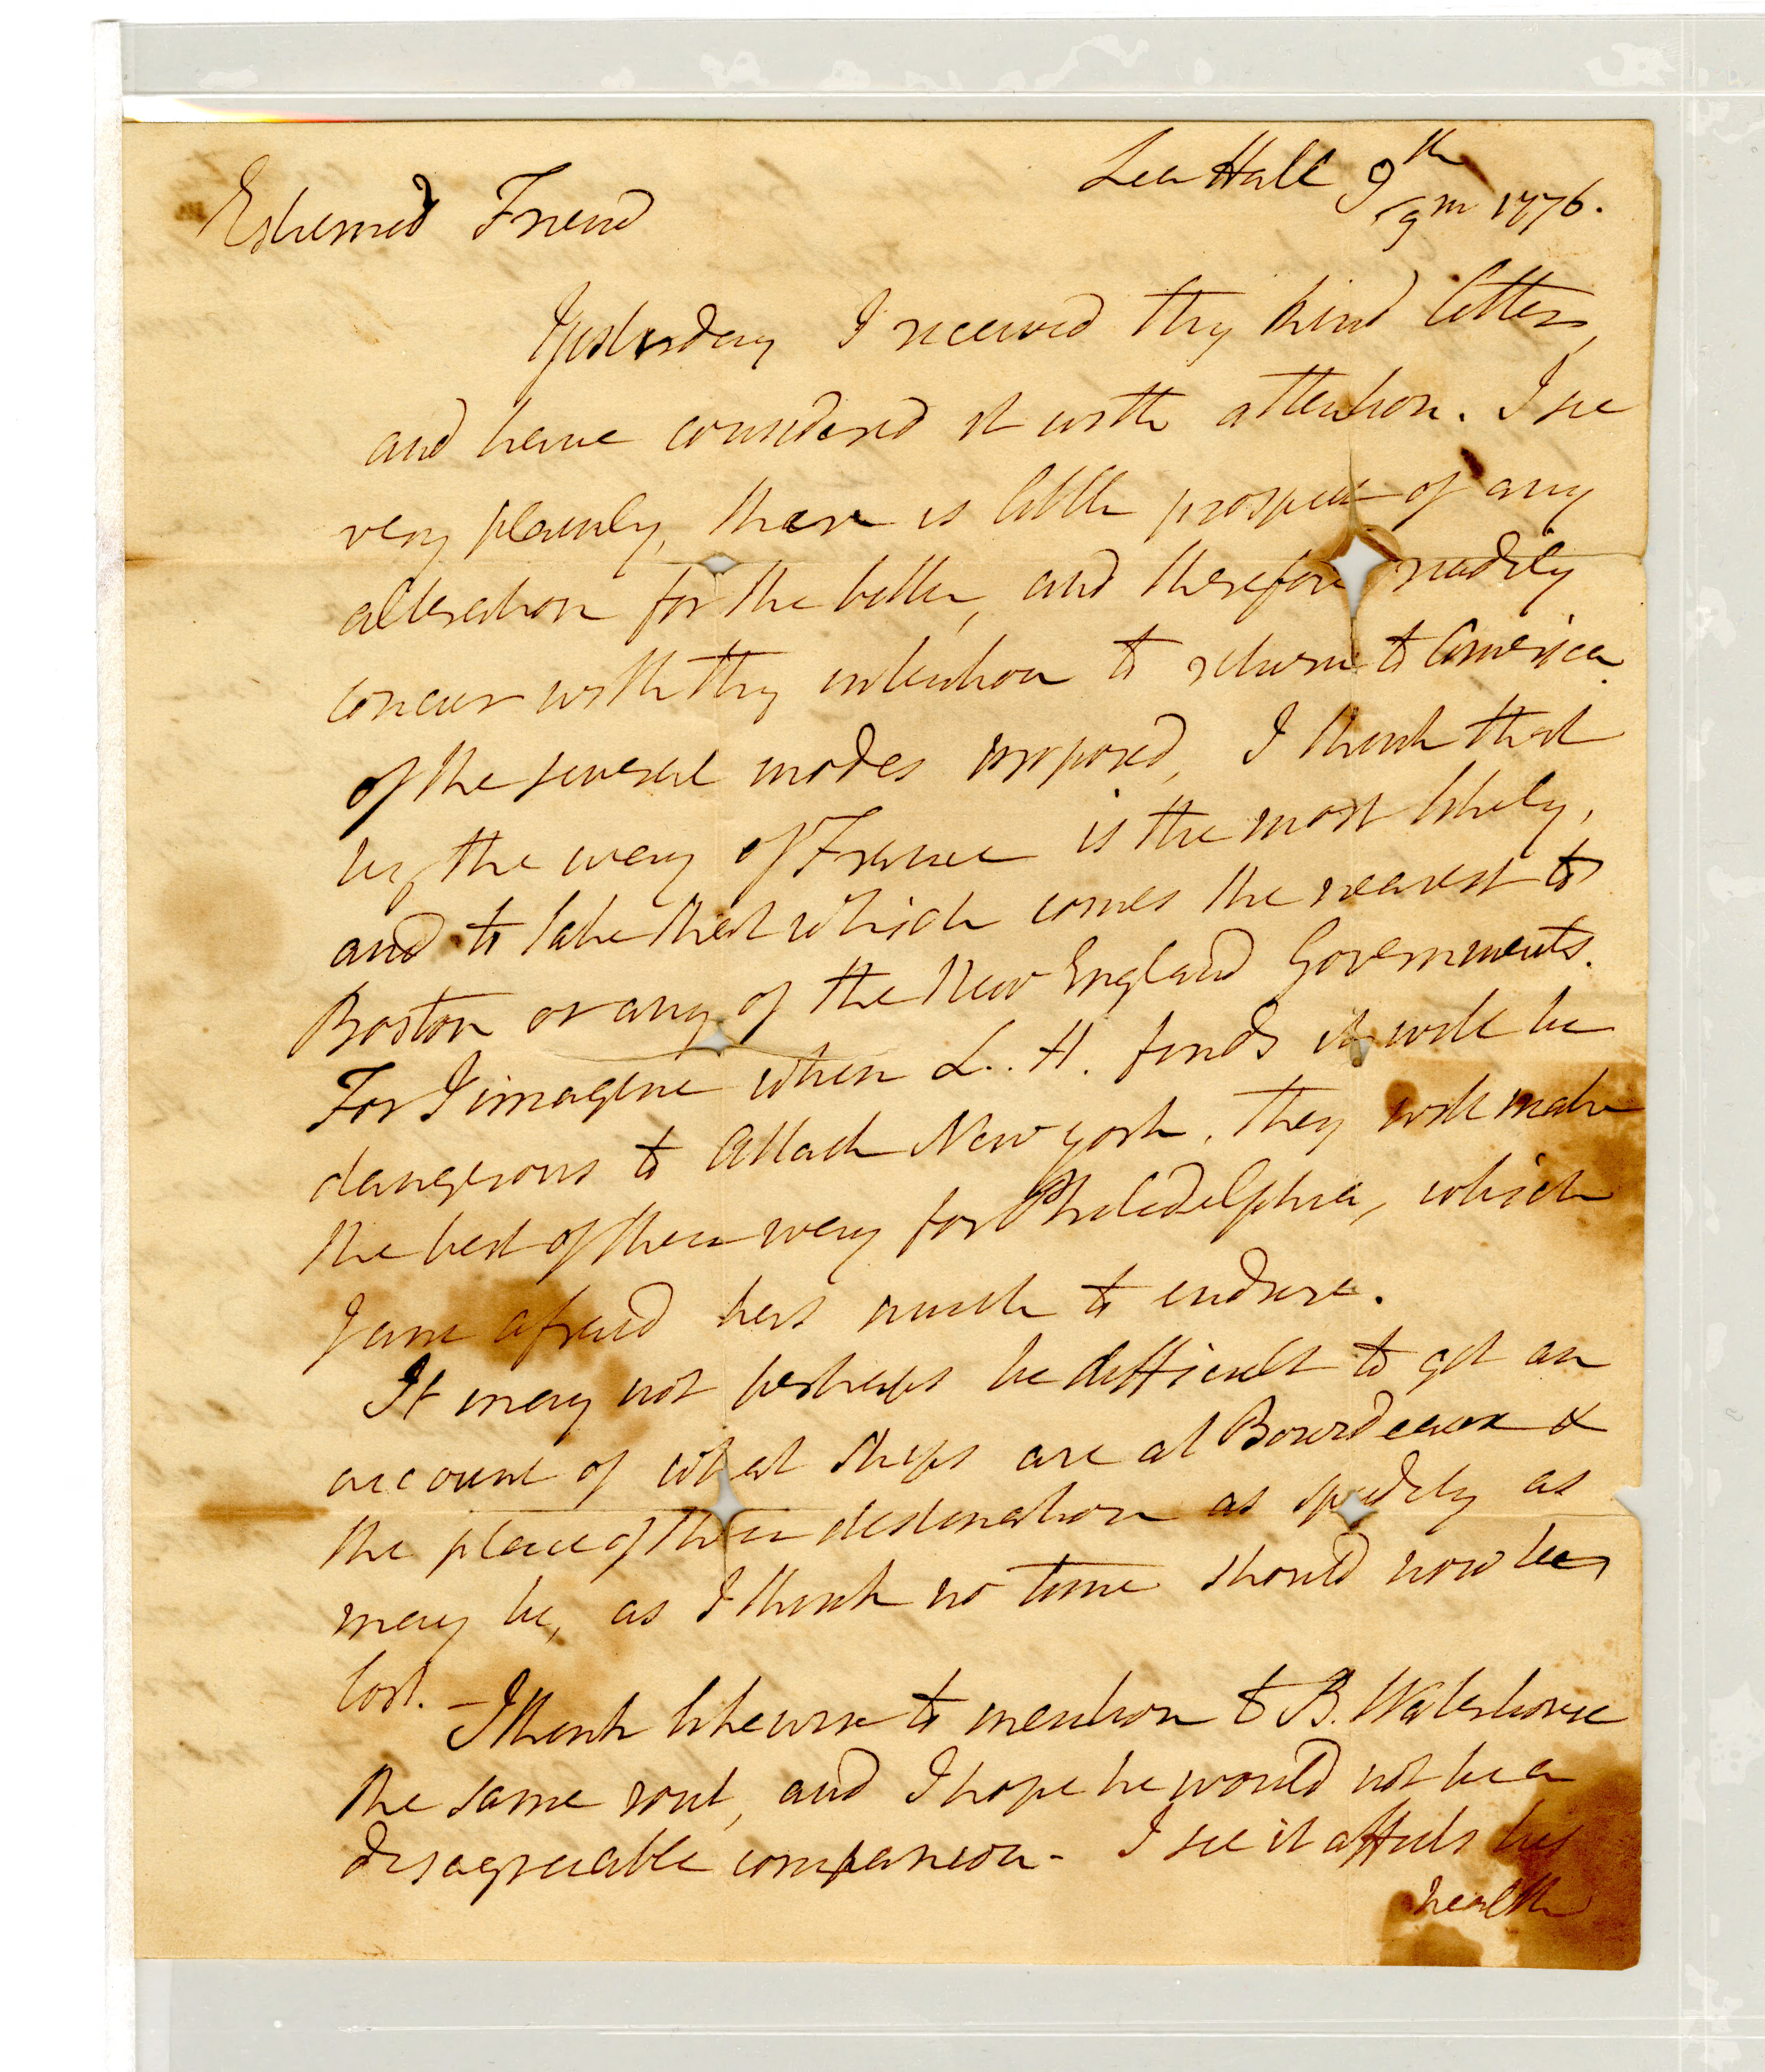Lea Hall 9^th/9^m 1776
Esteemed Friend
Yesterday I received thy kind letter
and have considerd it with attention. I see
very plainly, there is little prospect of any
alteration for the better and therefore hardly
concur with thy intention to return to America
of the several modes proposed. I think that
by the way of France is the most likely,
and to take that which comes nearest to
Boston or any of the New England Governments.
For I imagine when L.. H. finds it will be
dangerous to Attack New York, they will make
the rest of their way for Philadelphia, which
I am afraid has much to endure.
It may not perhaps be difficult to get an
account of what ships are at Bourdeaux &
the place of his destination as speedly as
may be, as I think no time should now be
lost.-
I think likewise to mention to B. Waterhouse
the same rout, and I hope he would not be a
disagreeable companion. I see it affects his
health